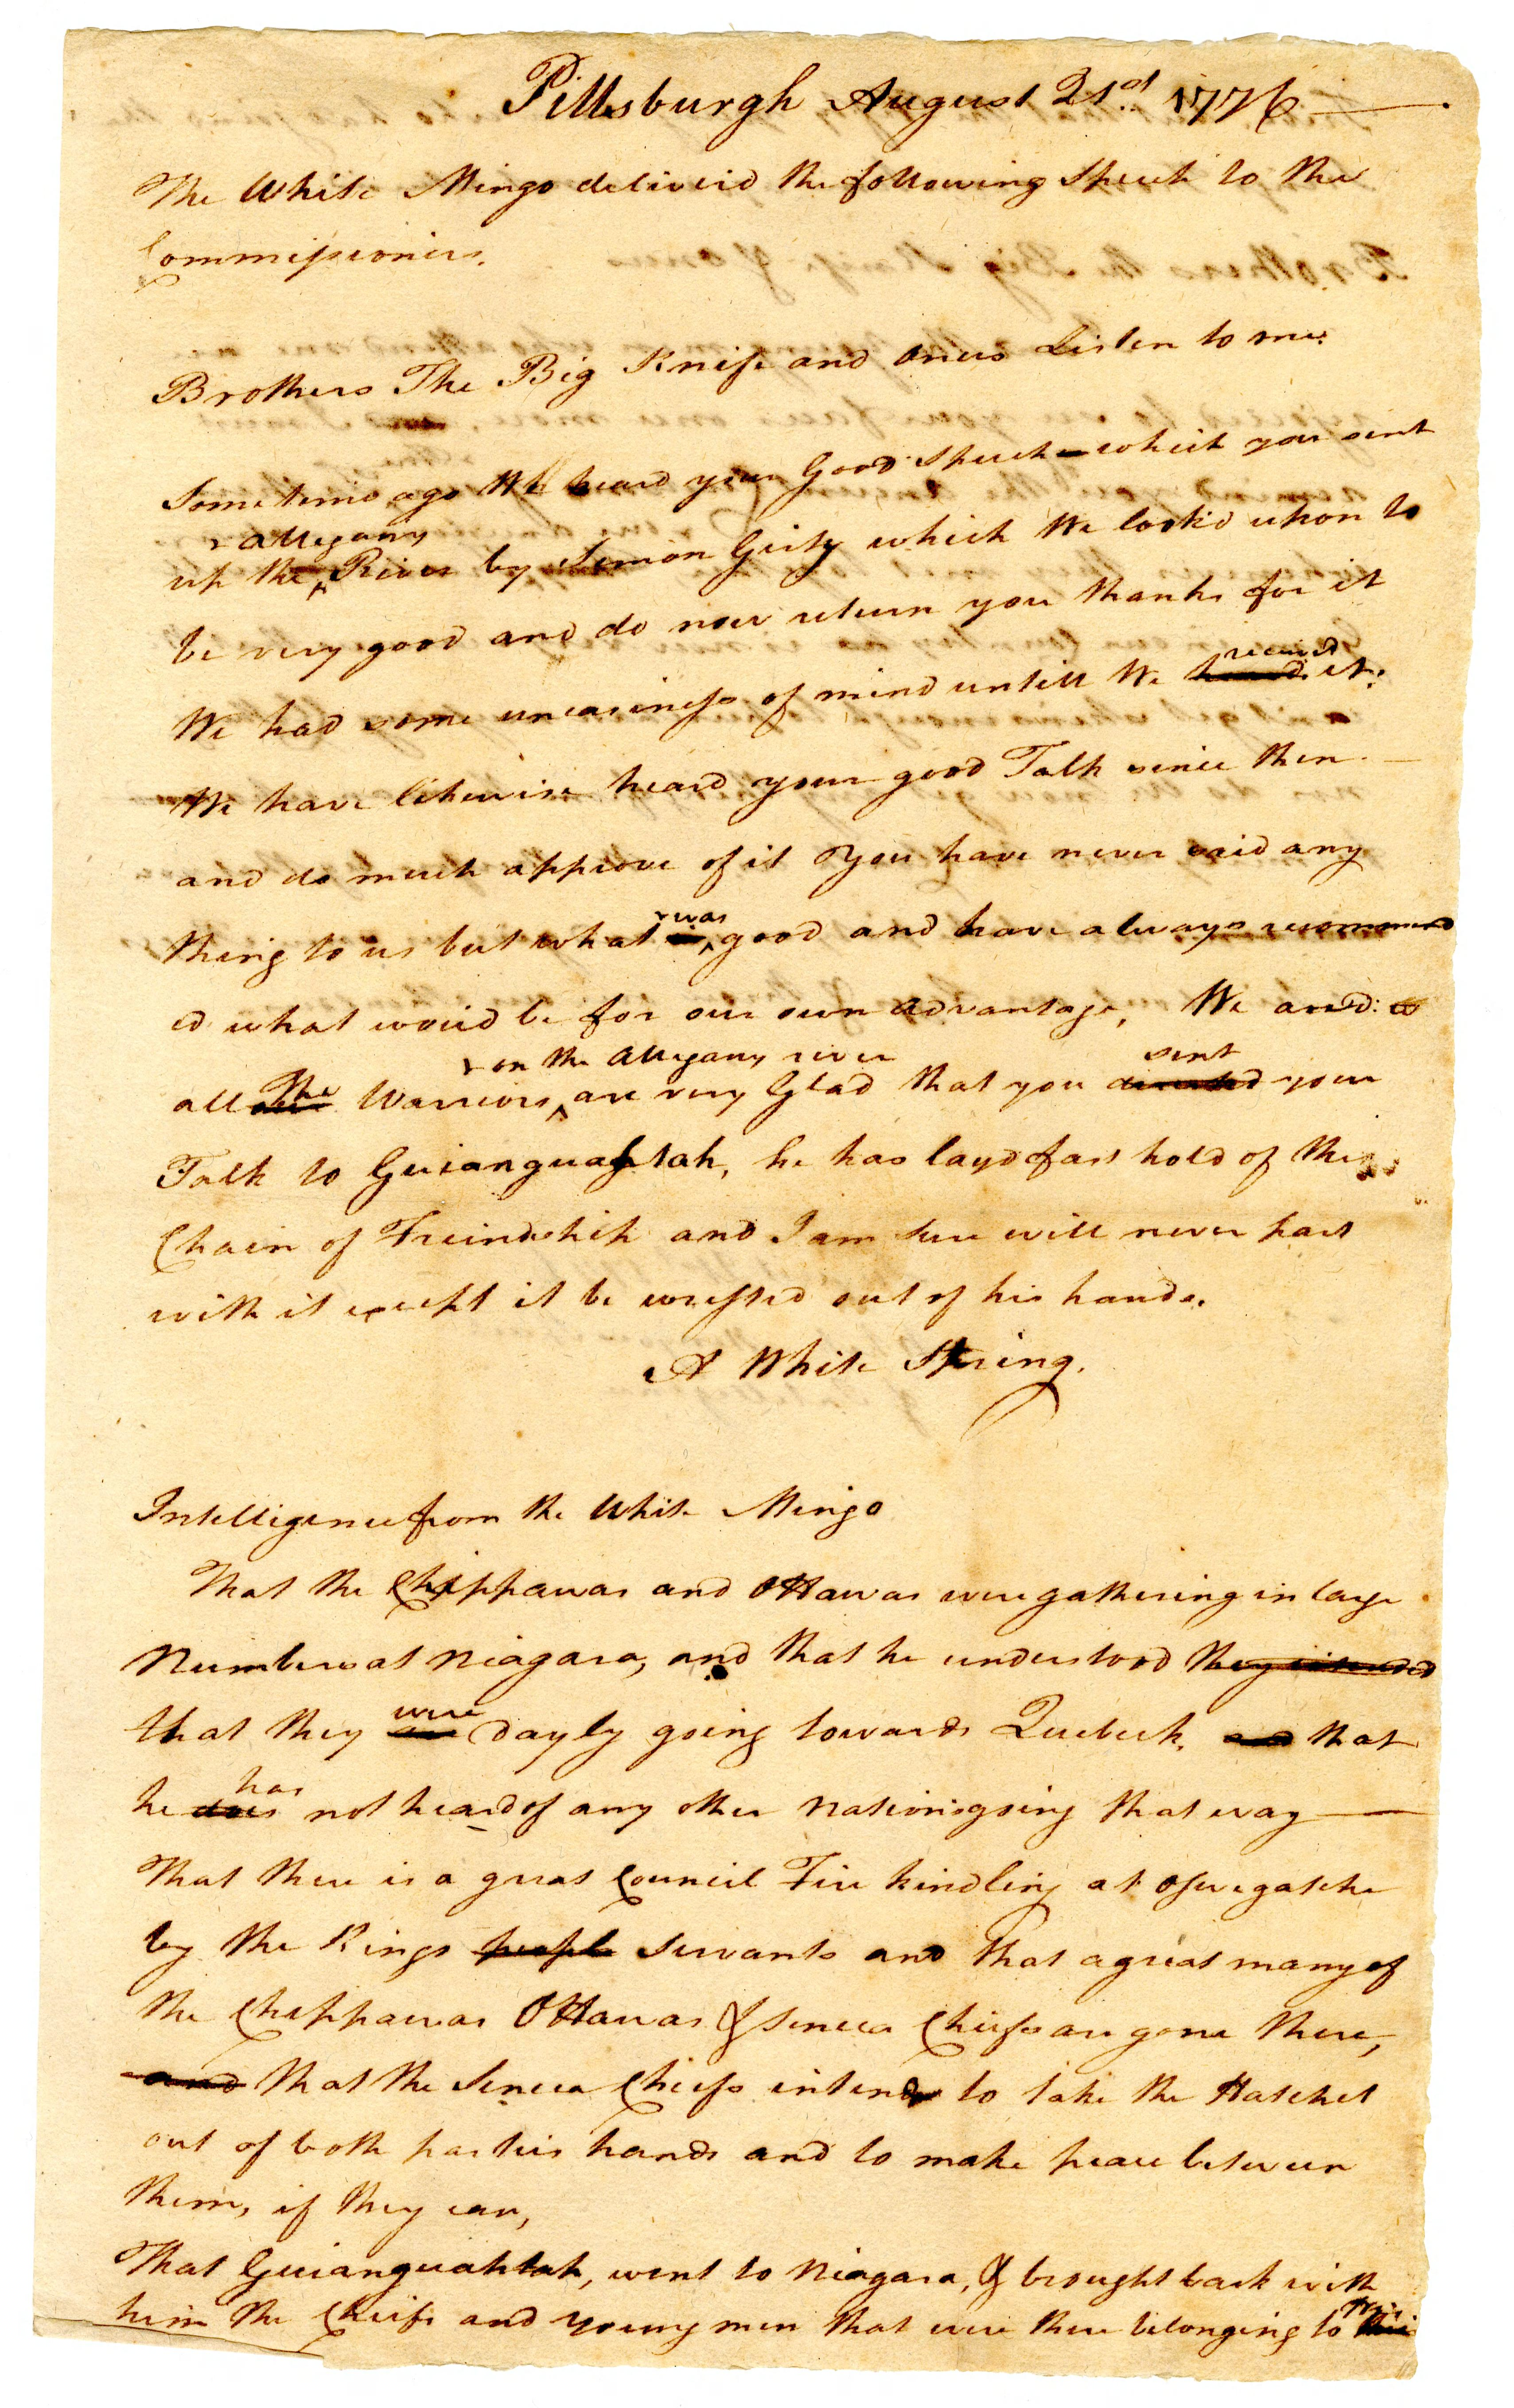Pittsburgh August 21^st. 1776-
The White Mingo deliver'd the following Speech to the
Commissioners.
Brothers The Big Knife and others Listen to me
some time ago we heard your good speech which you sent
allegany
up the ^ River by Simon Girty which we look'd upon to
be very good and do now return you thanks for it
received
We had some uneasiness of mind untill We heard it:
We have likewise heard your good Talk since then.-
and do much approve of it you have never said any
was
thing to us but what ^ good and have always recommend-
ed what wou'd be for our own advantage. We arrd: to
on the Allegany river
sent
all the Warriors ^ are very Glad that you ^delivered your
Talk to Guianguastak, he has layd fast hold of the
Chain of Freindship and I am sure will never part
with it except it be wrested out of his hands.
A White String.
Intelligence from the White Mingo
That the Chippawas and & Ottawas were gathering in large
numbers at Niagara, and that he understood they intended
were
that they were dayly going toward Quebeck, and that
he does ^has not heard of any other nations going that way-
That there is a great Council Fire kindling at oswegatche
by the Kings people servants and that a great many of
the Chippawas & Ottawas & Seneca Chiefs are gone there,-
and that the Seneca Chiefs intend to take the Hatchet
out of both parties hands and to make peace between
them, if they can,
That Guianguahtak, went to Niagara, & brought back with
him the Chiefs and young men that were there belonging to this